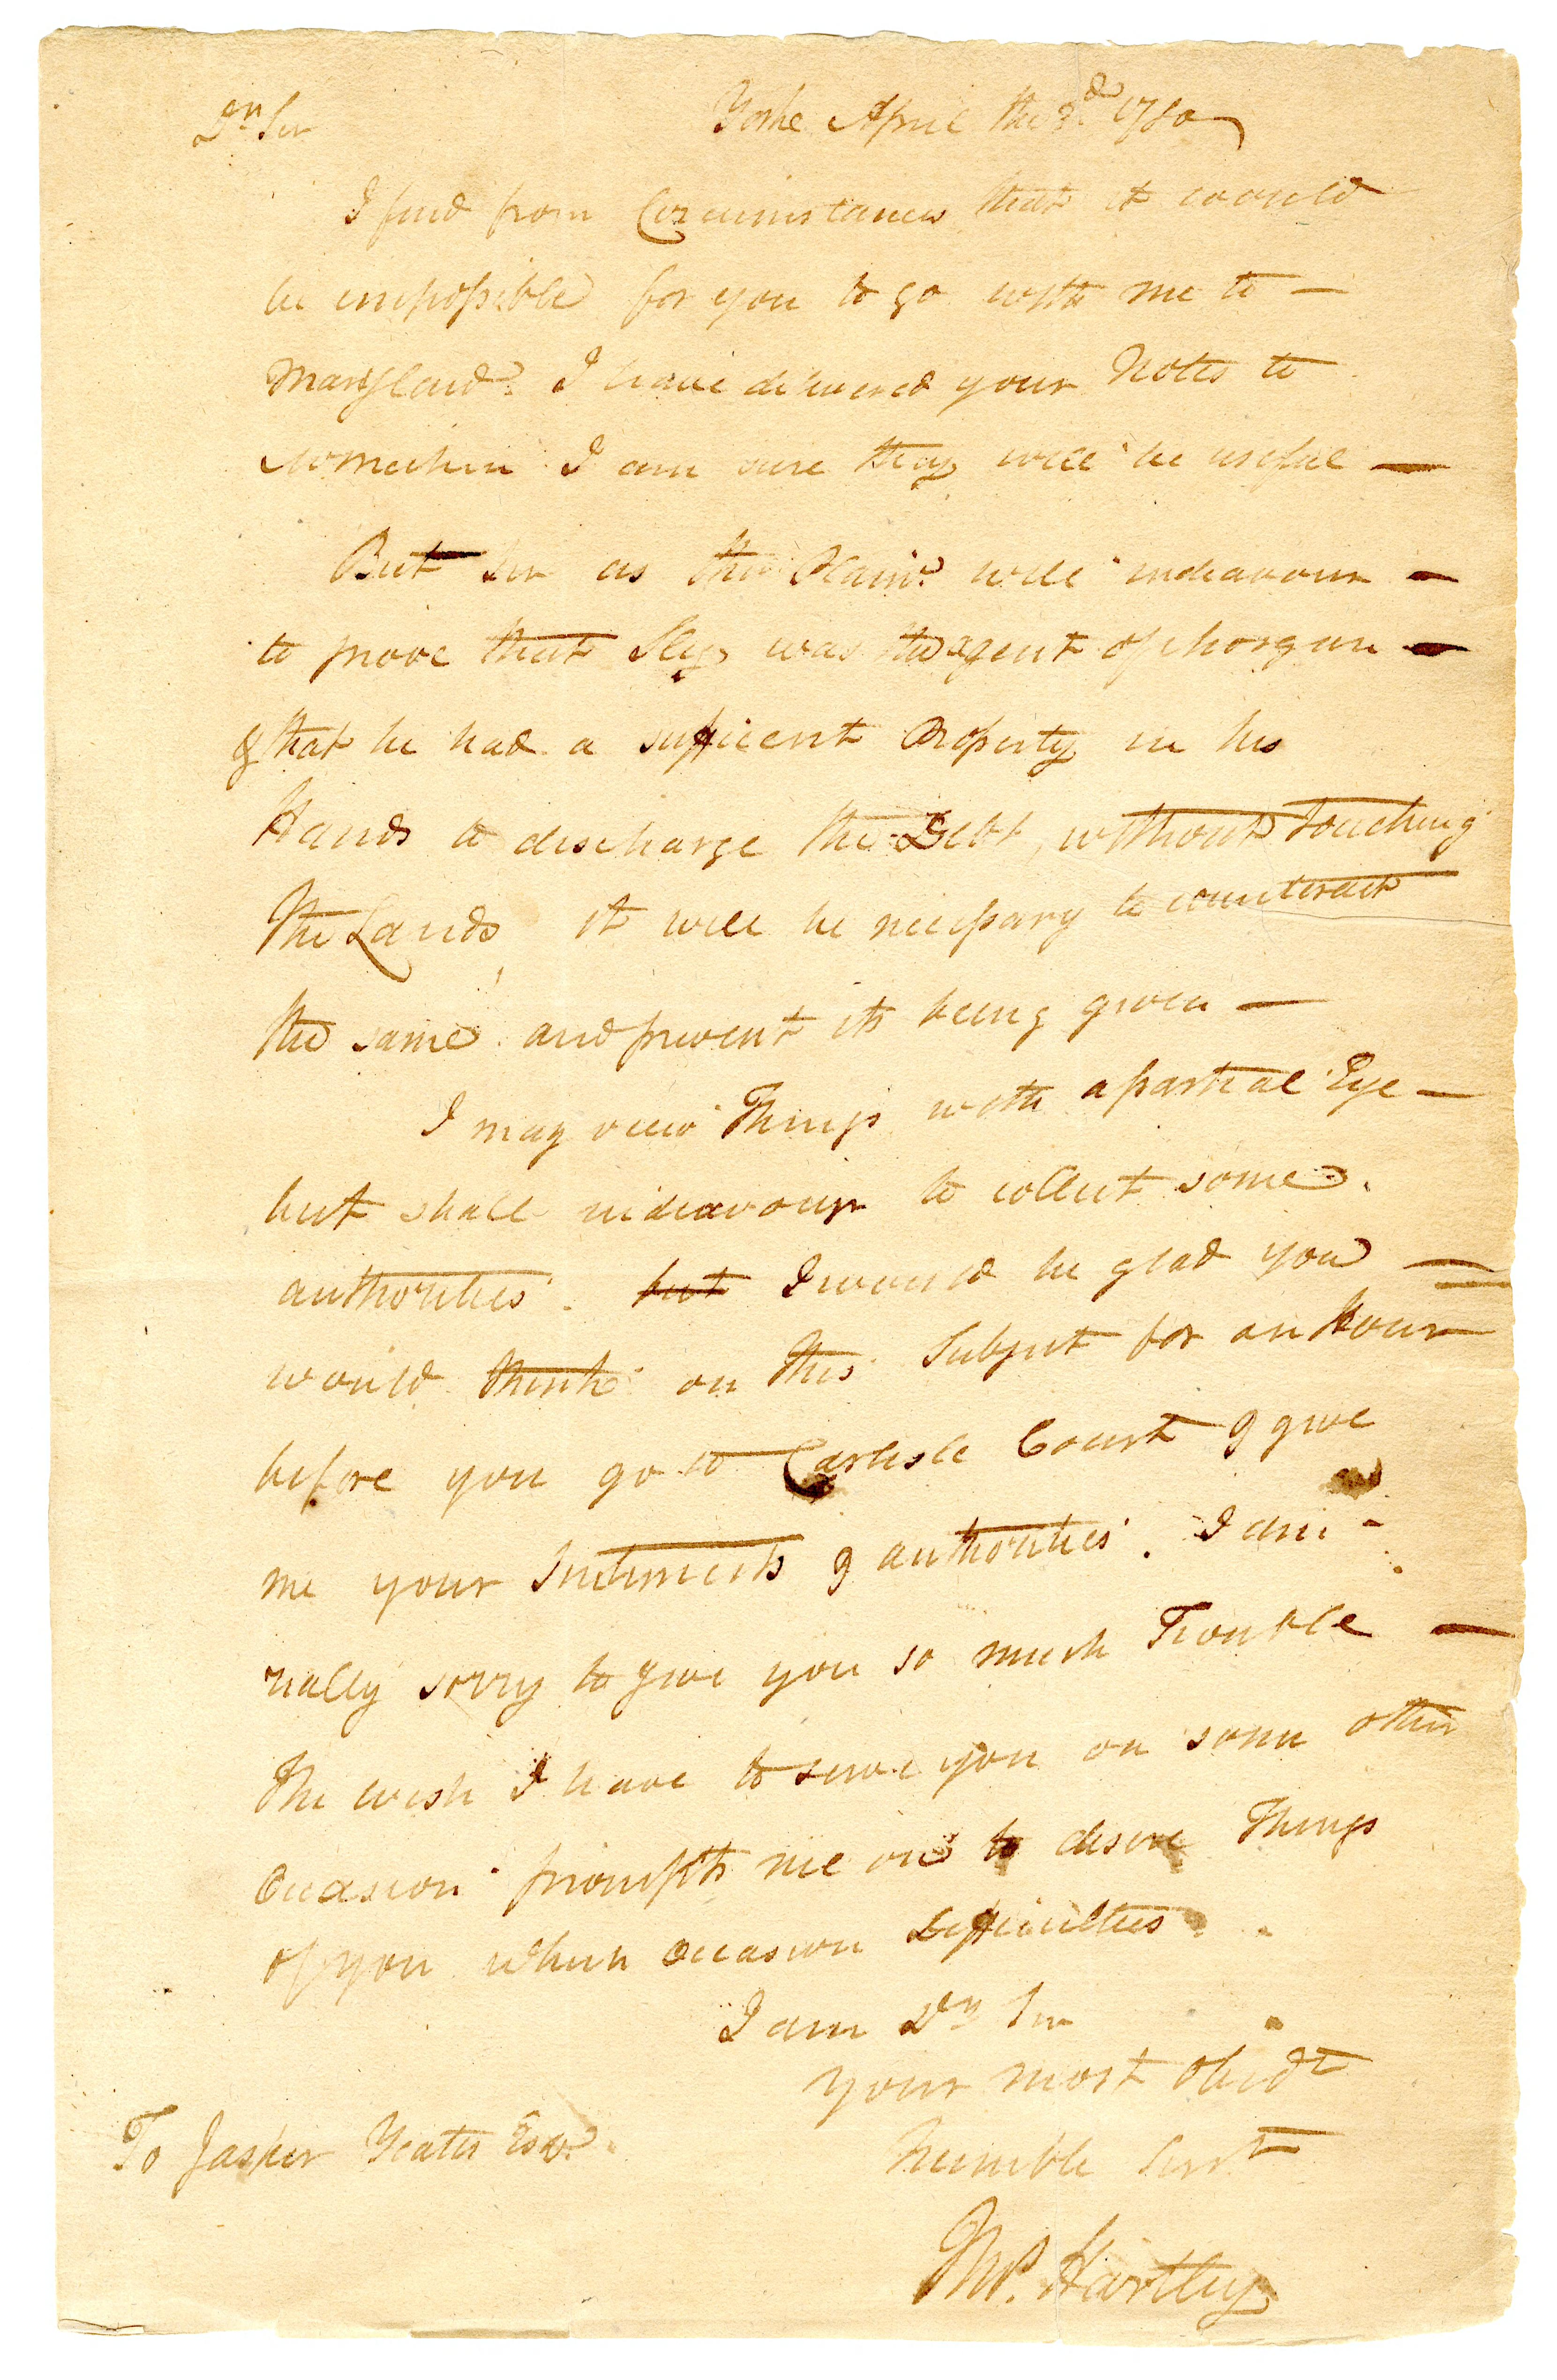Yorke April the 3^d. 1780
D^r. Sir
I find from Circumstances that it would
be impossible for you to go with me to
Maryland. I have delivered your Notes to
M^r Micken I am sure they will be useful
But Sir as the Plain^e: will endeavour
to prove that Sly was the agent of Morgan
& that he had a sufficent property in his
Hands a discharge the Debt, without touching
The Lands it well be necessary to counteract
the same and prevent it being given.
I may view Things with a partial Eye
but shall endeavour to collect some
authorities. but I would be glad you
would think on this Subject for an hour
before you go to Carlisle Court & give
me your sentiments & authorities. I am
really sorry to give you so much Trouble
The wish I have to serve you on some other
Occasion prompts me on to desire Things
of you which occasion Specialties
I am D^r Sir
your most obed^t
humble Serv^t
M^r. Hartley
To Jasper Yeates Esq^r.